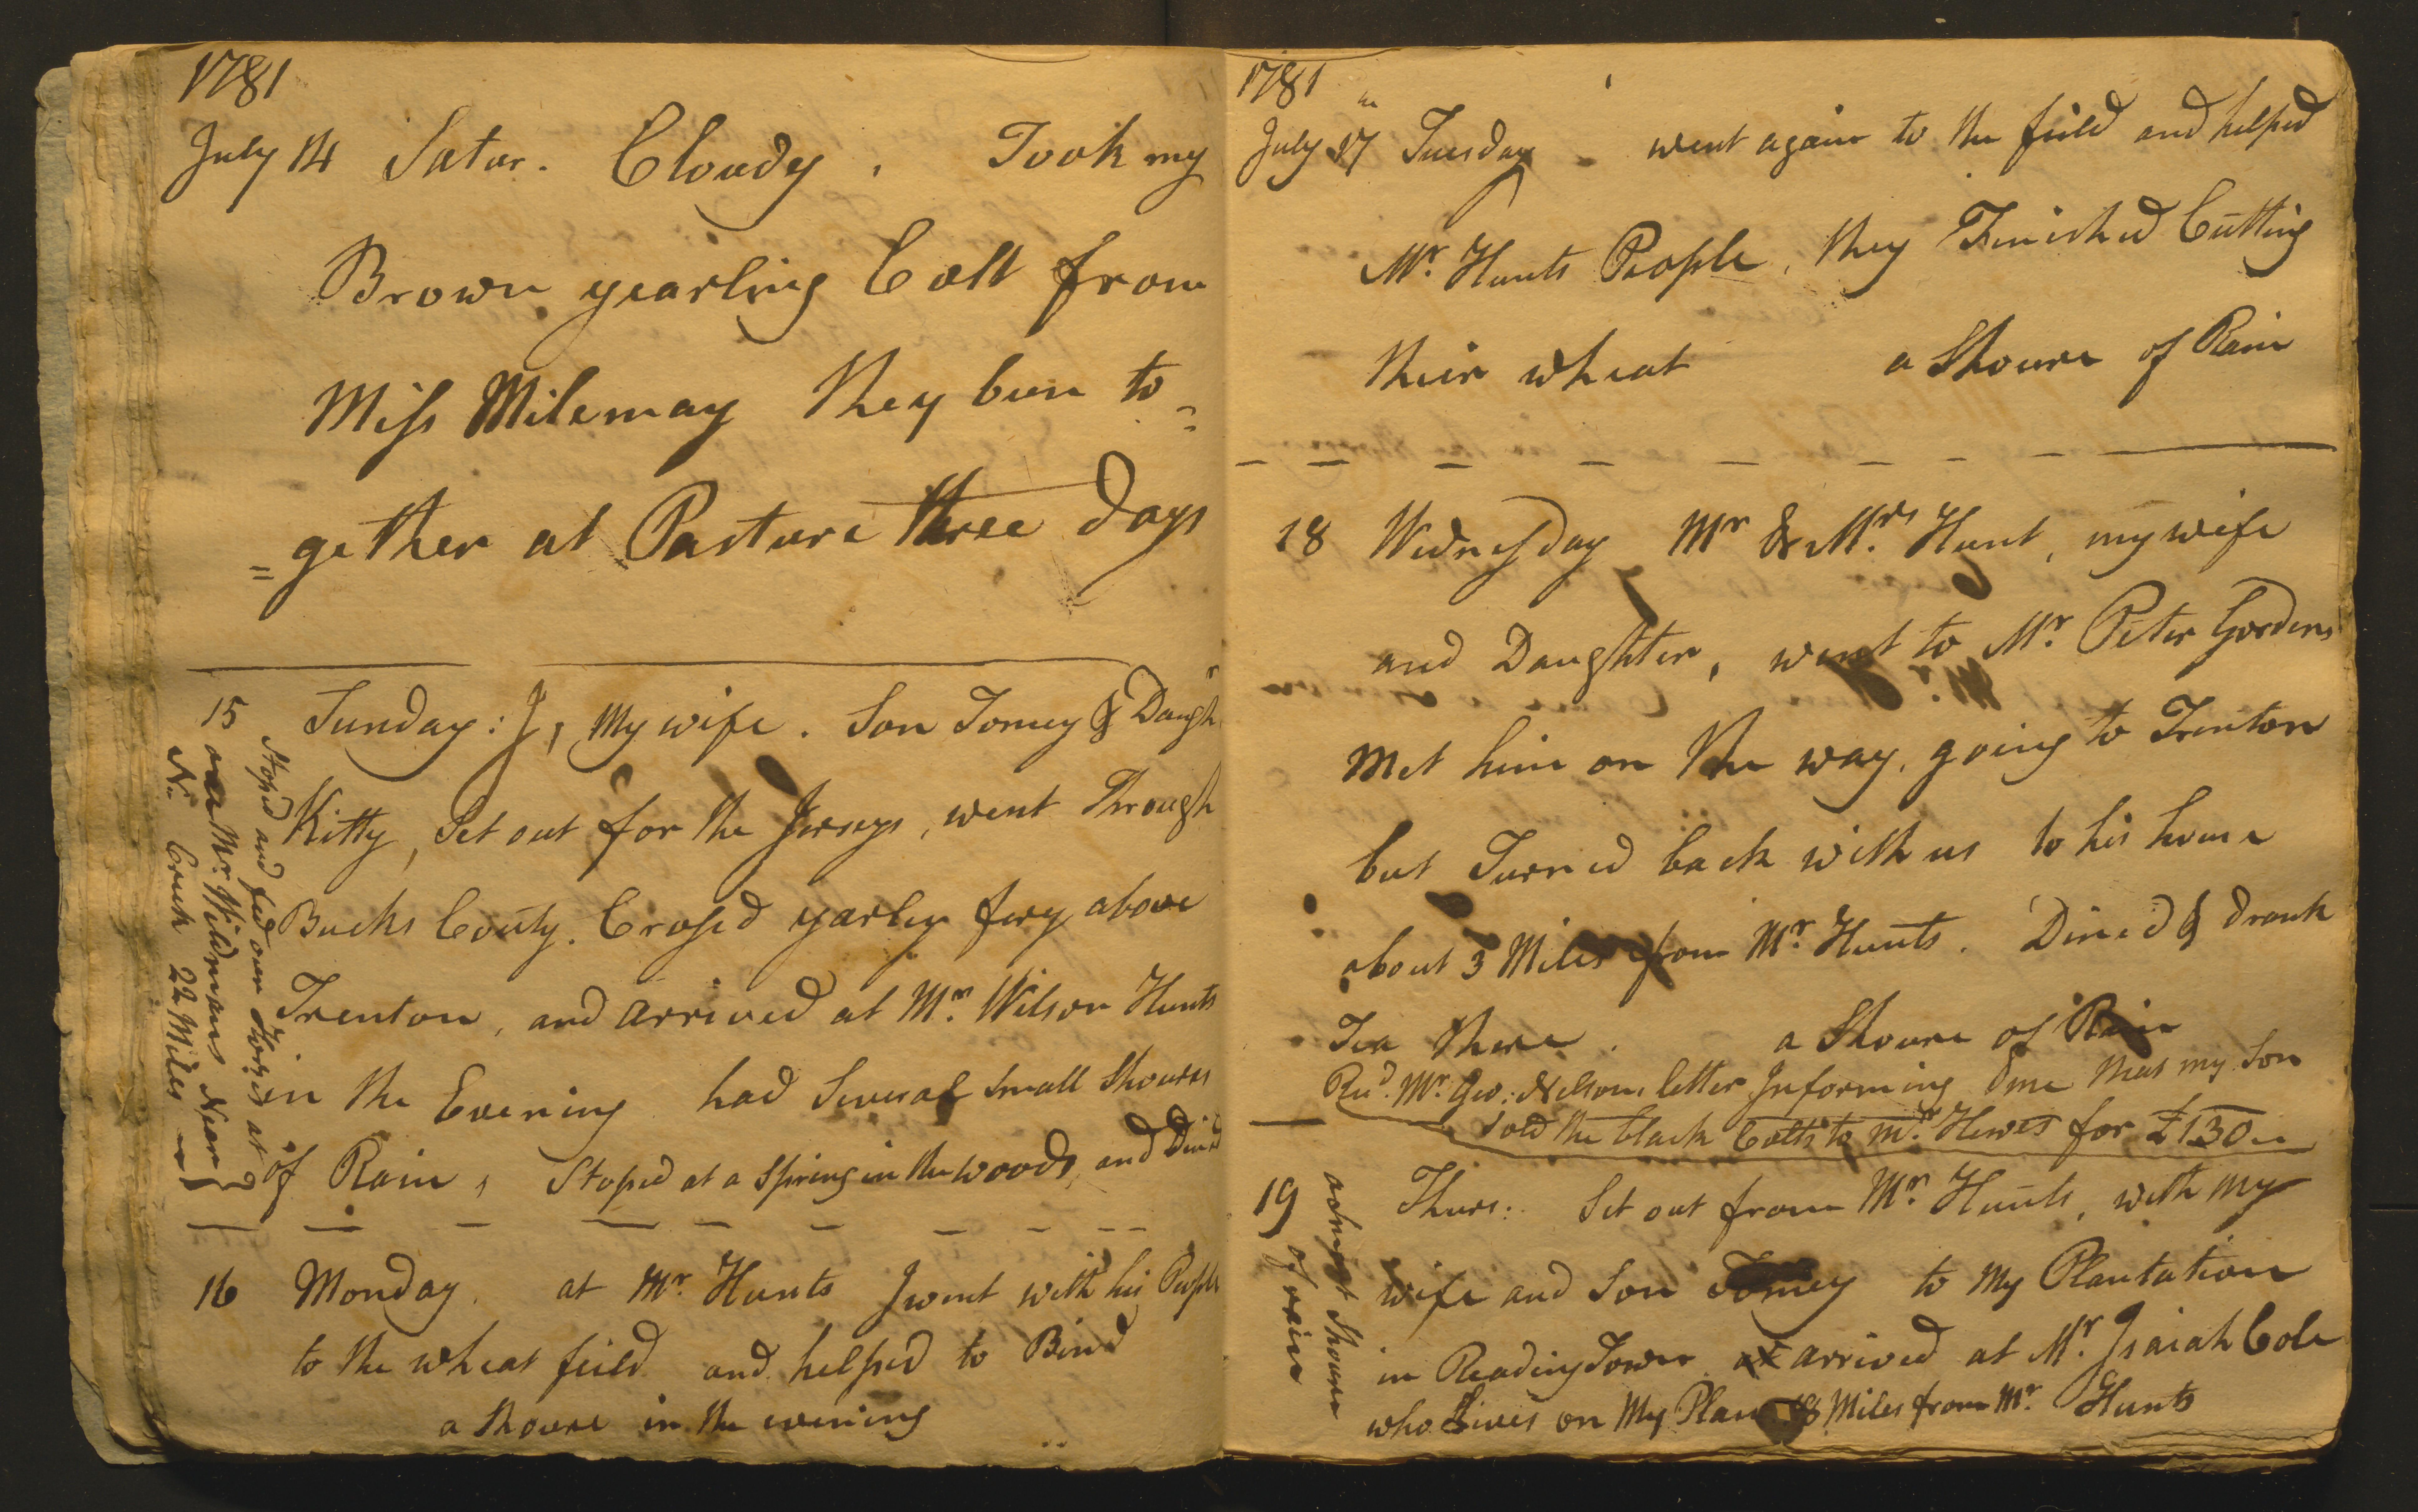1781
July 14 Satur. Cloudy. Took my
rown yearling Colt from
Miss Milemay They been to
gether at Pasture three days
15 Sunday: I, My wife. Son Tomey &th Daugh^r
Kitty set out for the Jerseys went Through
Bucks Couty Crosed yarley fery above
Trenton, and arrived at M^r. Wilson Hunts
in the Evening had Several small Shoures
of Rain, Stoped at a Spring in the Woods, and Dine
Stoped and fed our Horses at
one M^r. Wildmans Near
N. Creek 22 Miles
16 Monday. at M^r. Hunts I went with his People
to the wheat field and helped to Bind
a shoure in the evening
1781
July 17^th Tuesday went again to the field and helped
M^r. Hunts People, they Finished Cutting
their wheat a Shoure of Rain
18 Wednesday M^r. & M^rs. Hunt my wife
and Daughter, went to M^r. Peter Gordens
Met him on the way, going to Trenton
but Turned back with us to his home
about 3 Miles fom M^r. Hunts. Dined & drank
Tea there. a Shoure of Ran
Rec^d. M^r. Geo: Nelsons letter Informing me that my son
sold the black Colts to M^r. Hewes for £130-
19
Thurs. Set out from M^r. Hunts with my
wife and Son Tomey to My Plantation
in ReadingTown, [at] arrived at M^r. Isarah Cole
who Lives on My Plan [1]8 Miles from M^r. Hunts
acmpt Shoure
of rain